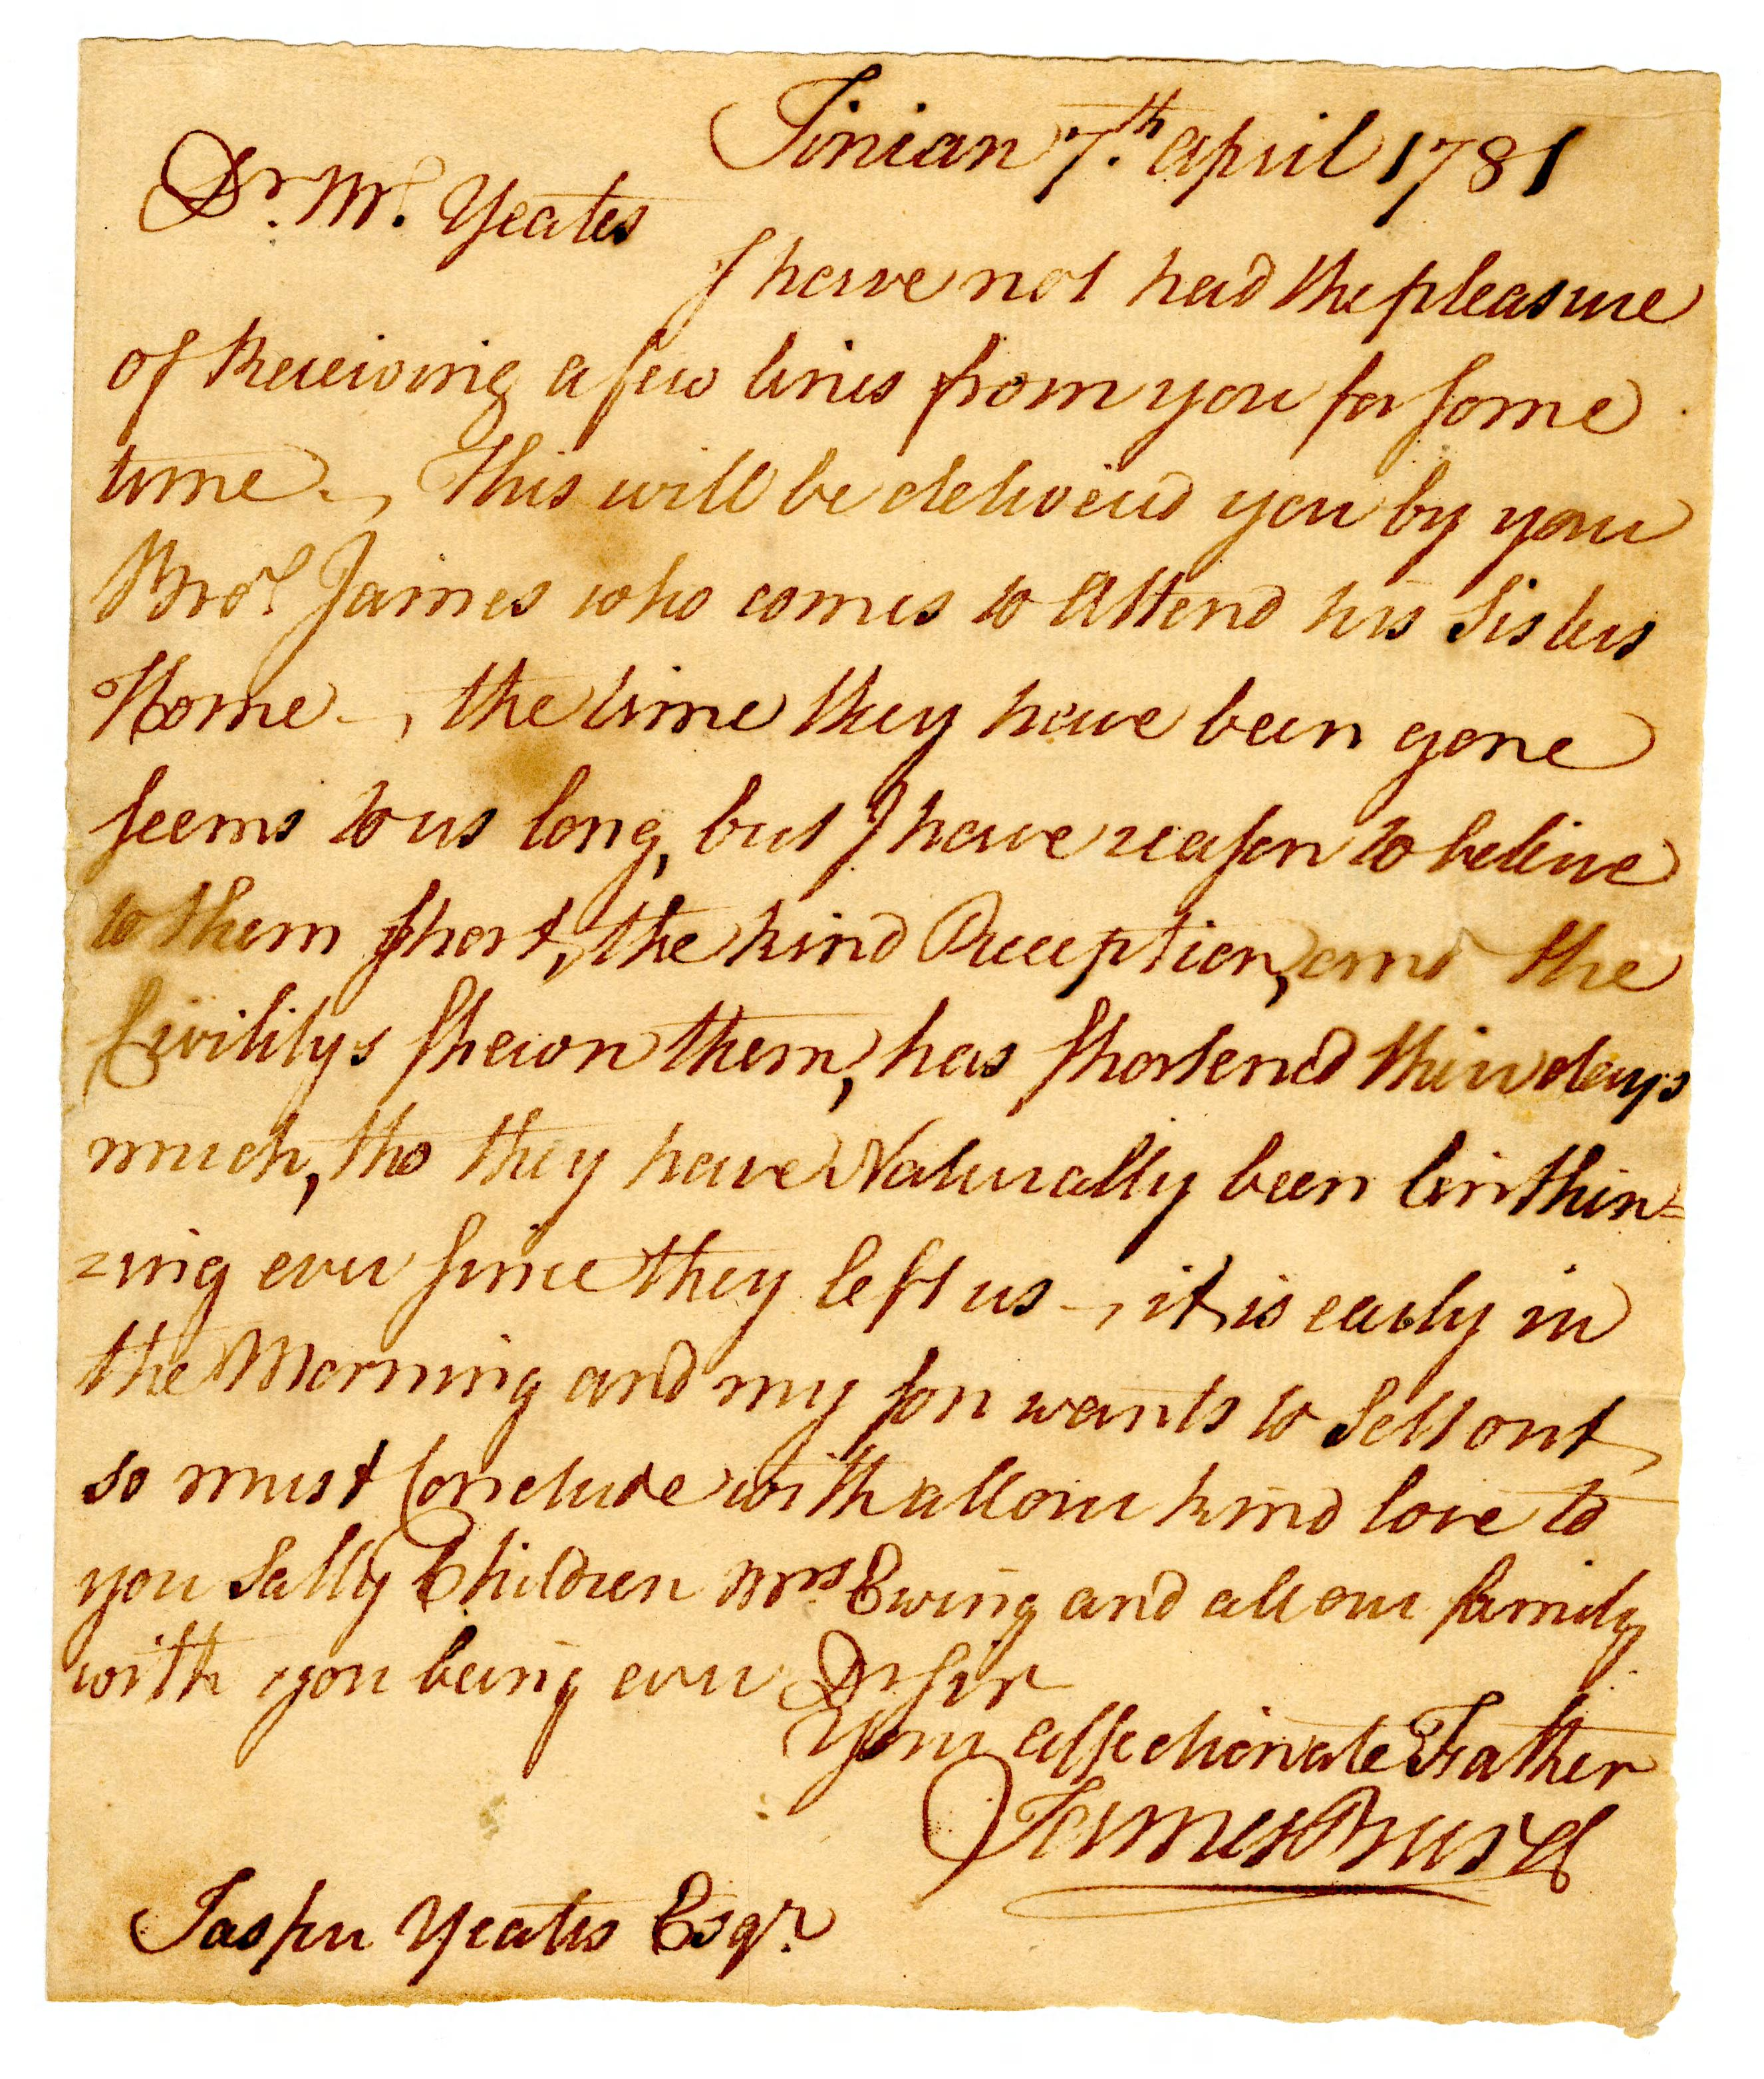Tinian 7^th. April 1781
D^r. M^r. Yeates
I have not had the pleasure
of Receiving a few lines from you for some
time. This will be delivered you by your
Bro^r. James who comes to attend his Sisters
Home- the time they have been gone
seems to us long, but I have reason to believe
to them short, the kind Preception, and the
Civilitys shewn them, has shortened their days
much, tho they have Naturally been brithin-
-ing ever since they left us. it is early in
the Morning and my son wants to Sell out
so must Conclude with all our kind love to
you Sally Children M^rs. Ewing and all our family
with you being ever
D^r Sir
Your affectionate Father
James Burd
Jasper Yeates Esq^r.